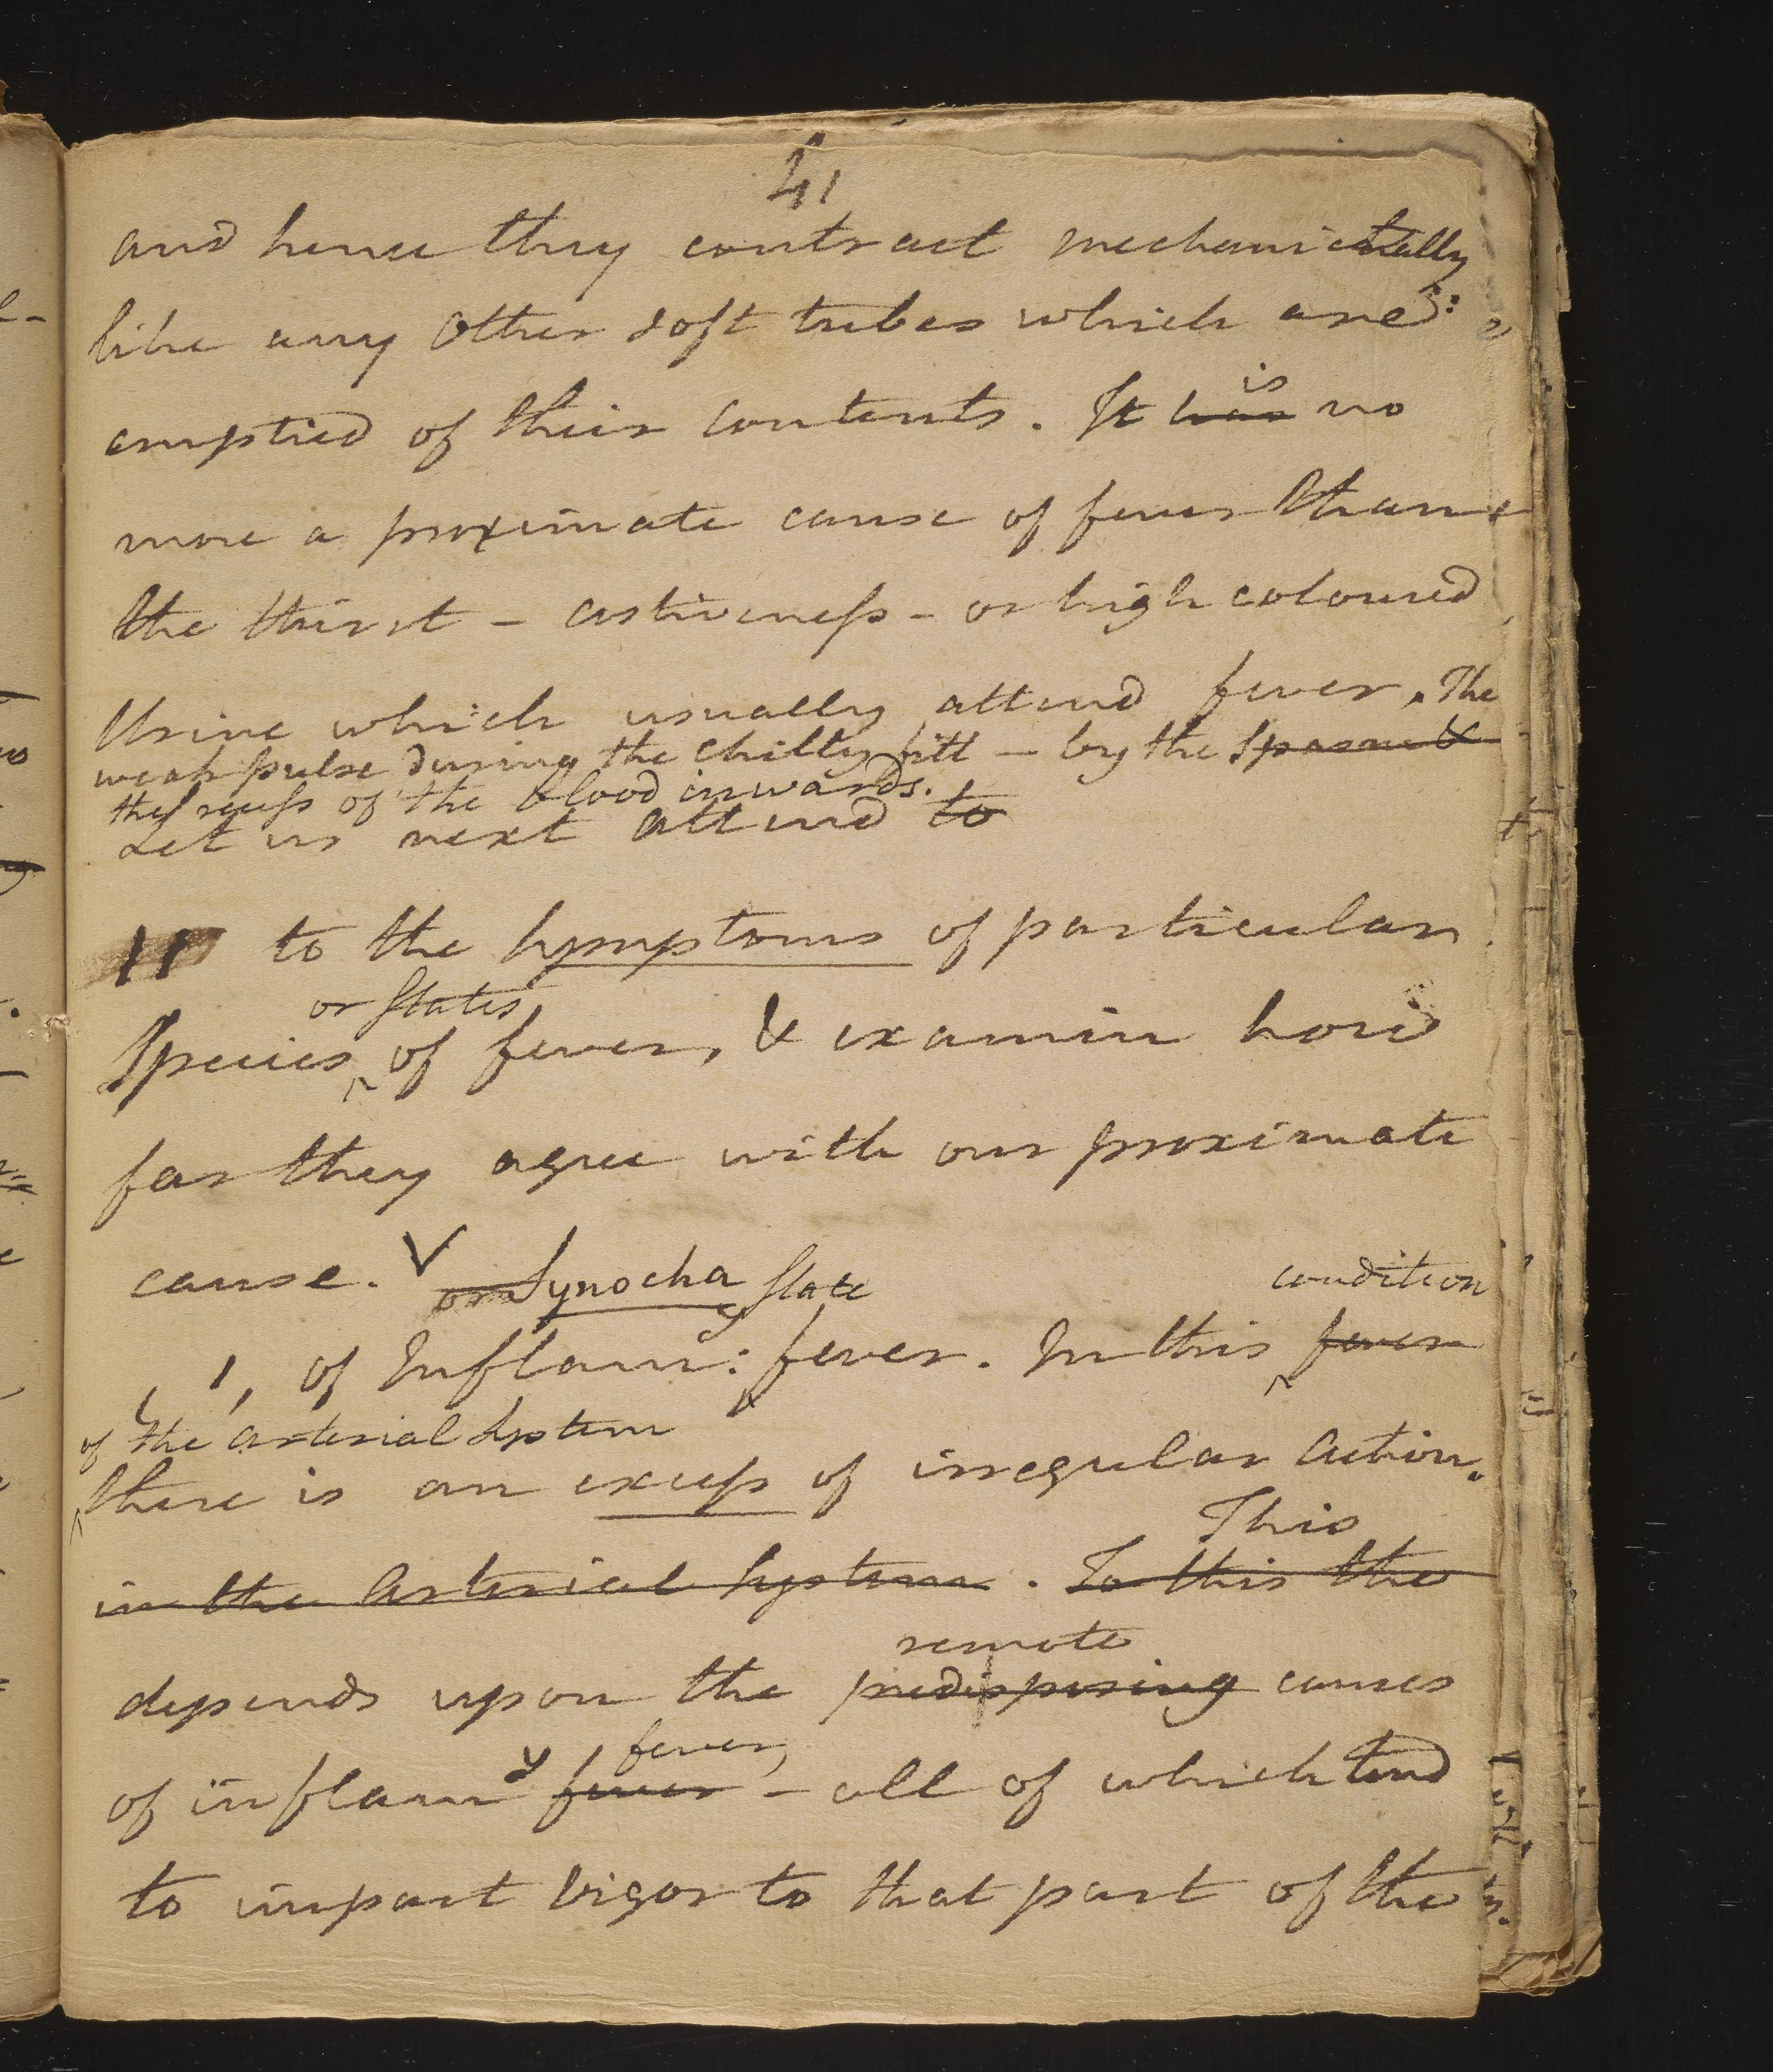41
and hence they contract mechanically
like any other soft tubes which are
is
emptied of their contents. It [was] no
more a proximate cause of fever than
the thirst, costineness, or high coloured
Urine which usually attend fever. The
weak pulse during the chilly fitt- by the [spasm &]
the recess of the blood inwards.
Let us next attend to
II to the symptoms of particular
or states
species ^ of fever, & examine how
far they agree with our proximate
cause. V
Synocha State
condition
of Inflam^y fever. In this ^ [fever]
of the arterial system
^ there is an excess of irregular action.
This
remote
depends upon the [predisposing] causes
fever
of inflam^y [fever], all of which tend
to impart vigor to that part of the